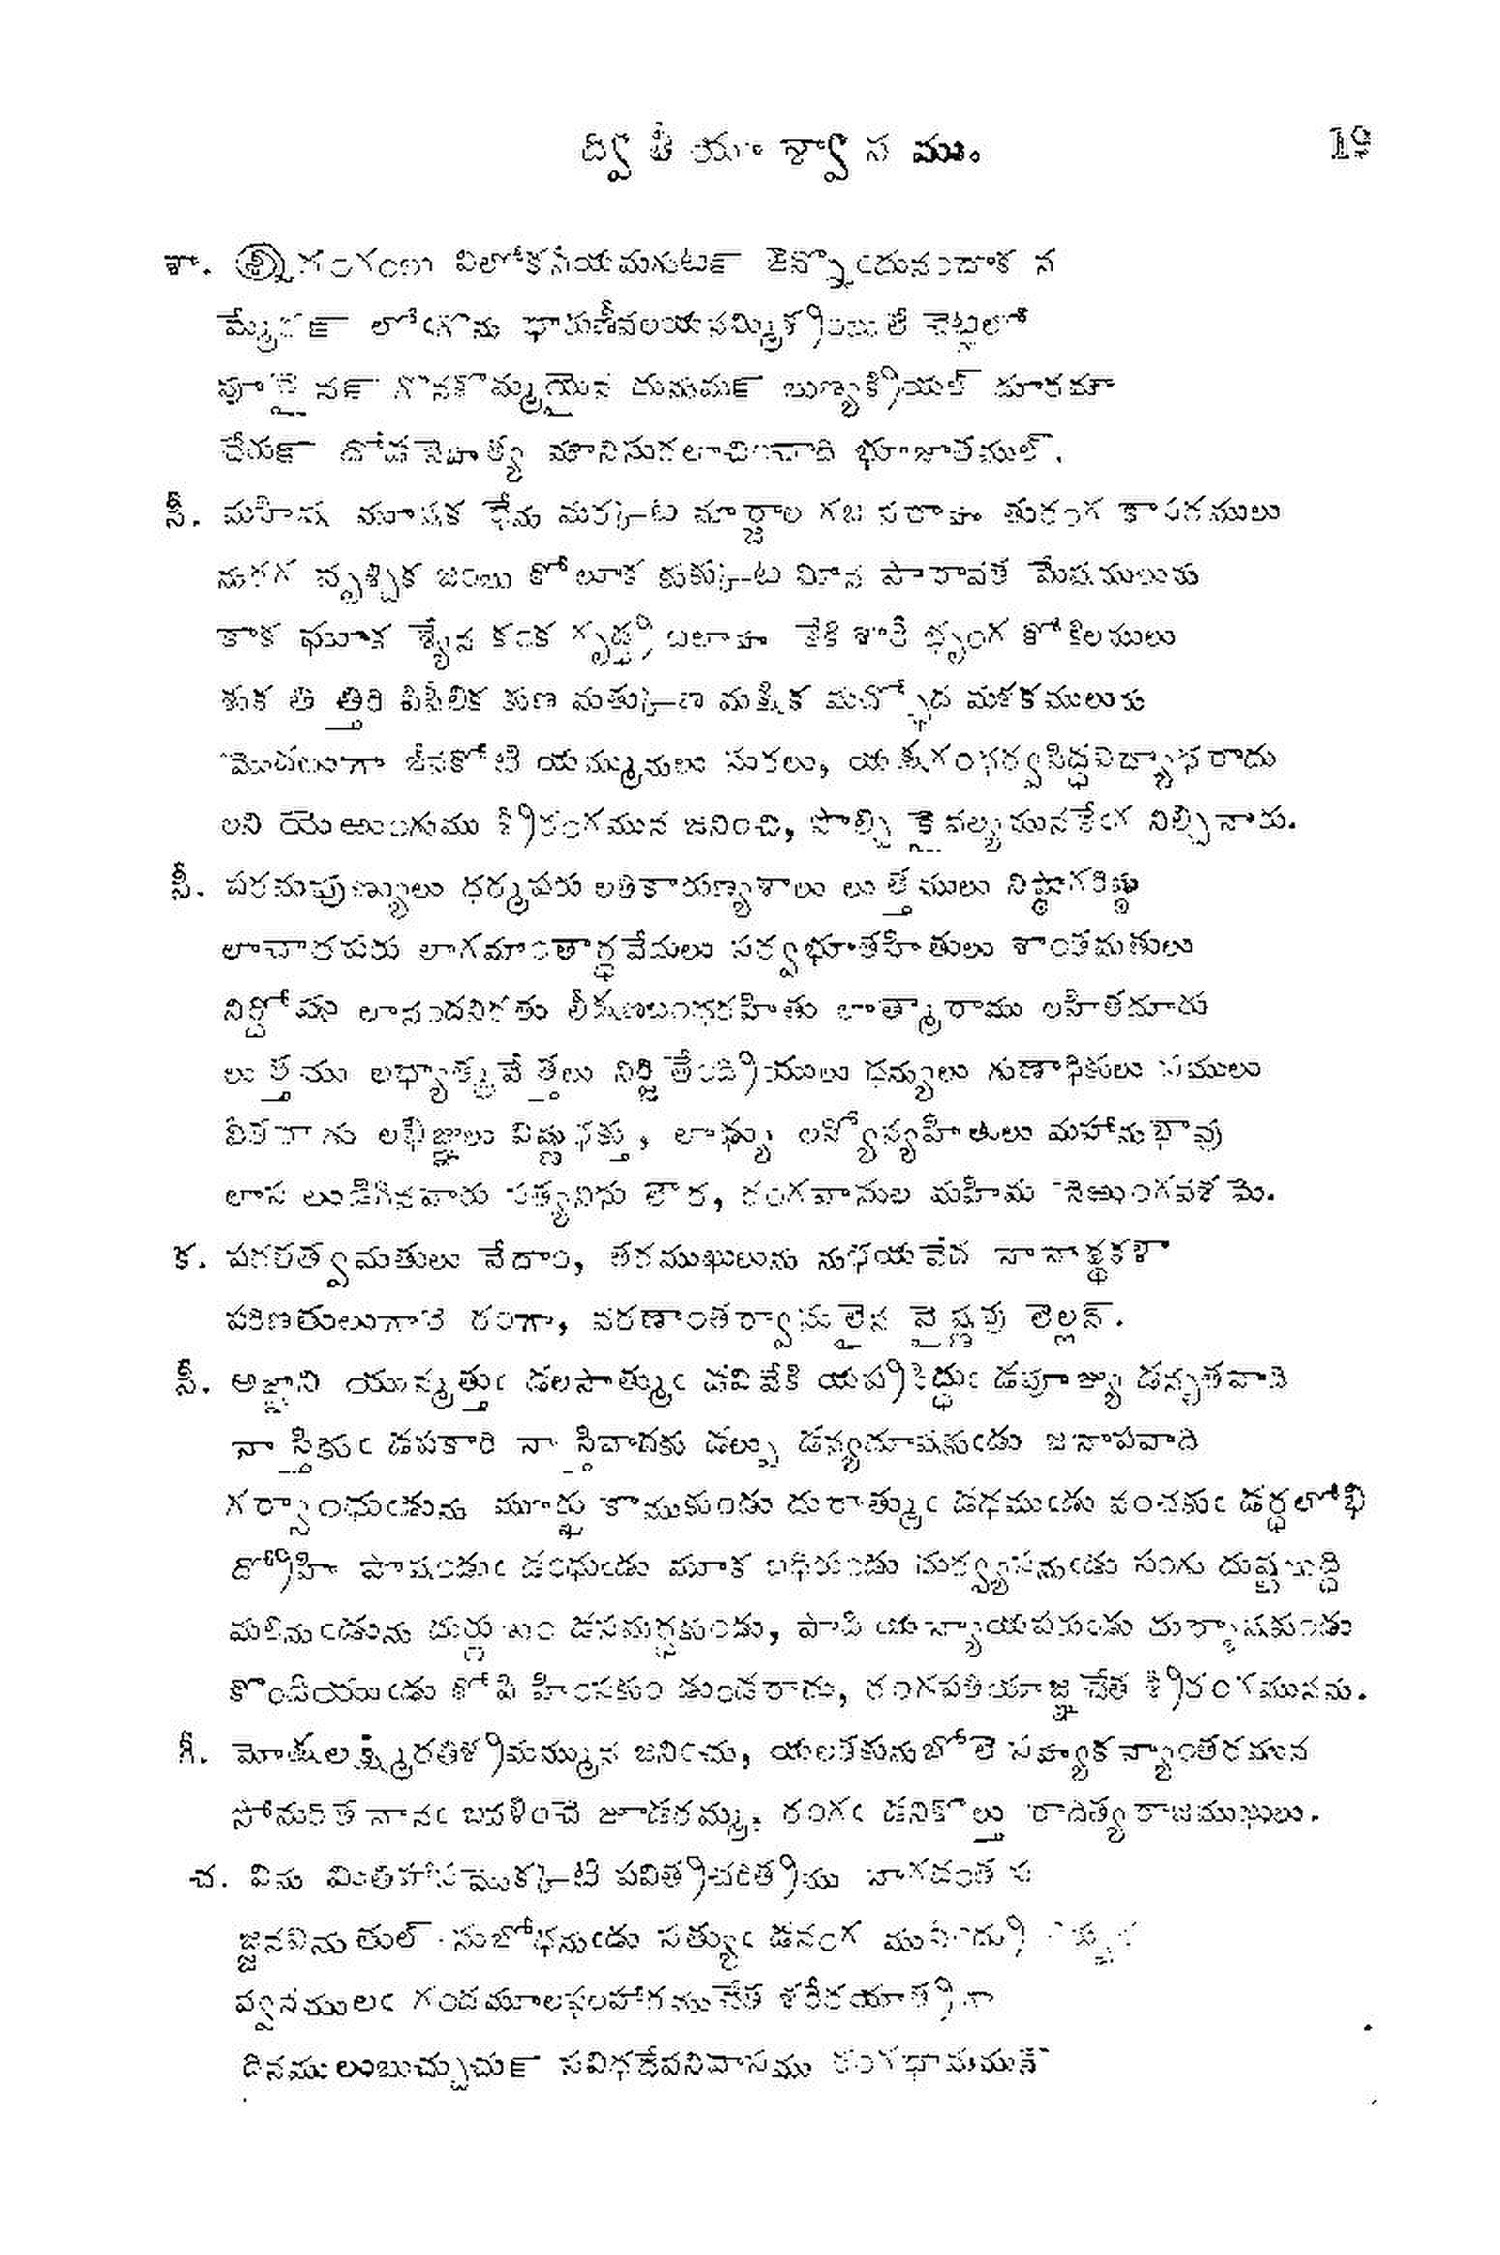శా. శ్రీరంగంబు విలోకనీయమగుటన్ జెన్నొందునందాక న
 మ్మేరన్ లోఁగొను ధారుణీవలయసమ్మిశ్రంబులే చెట్లలో
 పూరైనన్ గొనకొమ్మయైన దునుమన్ బుణ్యక్రియల్ దూరమౌ
 చేరున్ దోడనె హత్య మౌనిసురలాచించాది భూజాతముల్.
సీ. మహిష మూషక ధేను మర్కట మార్జాల గజ వరాహ తురంగ కాసరములు
 నురగ వృశ్చిక జంబు కోలూక కుక్కుట మీన పారావత మేషములును
 కాక ఘూక శ్యేన కంక గృద్ధ్ర బలాహ కేకి శారీ భృంగ కోకిలములు
 శుక తిత్తిరి పిపీలిక కుణ మత్కుణ మక్షిక మచ్ఛోద మశకములును
 మొదలుగా జీవకోటి యమ్మునులు సురలు, యక్షగంధర్వసిద్ధవిద్యాధరాదు
 లని యెఱుంగుము శ్రీరంగమున జనించి, పొల్చి కైవల్యమునకేఁగ నిల్చినారు.
సీ. పరమపుణ్యులు ధర్మపరు లతికారుణ్యశాలు లుత్తములు నిష్ఠాగరిష్ఠు
 లాచారపరు లాగమాంతార్థవేదులు సర్వభూతహితులు శాంతమతులు
 నిర్దోషు లానందనిరతు లీక్షణబంధరహితు లాత్మారాము లహితదూరు
 లుత్తము లధ్యాత్మవేత్తలు నిర్జితేంద్రియులు ధన్యులు గుణాధికులు సములు
 వీతరాగు లభిజ్ఞులు విష్ణుభక్తు, లాఢ్యు లన్యోన్యహితులు మహానుభావు
 లాస లుడిగినవారు సత్యనిధు లౌర, రంగవాసుల మహిమ నెఱుంగవశమె.
క. పరతత్వమతులు వేదాం, తరముఖులును నుభయవేద నానార్థకళా
 పరిణతులుగారె రంగా, వరణాంతర్వాసులైన వైష్ణవులెల్లన్.
సీ. అజ్ఞాని యున్మత్తుఁ డలసాత్ముఁ డవివేకి యప్రసిద్ధుఁ డపూజ్యుఁ డనృతవాది
 నాస్తికుఁ డపకారి నాస్తివాదకుఁ డల్పుఁ డవ్యదూషకుఁడు జనాపవాది
 గర్వాంధుఁడును మూర్ఖు కాముకుండు దురాత్ముఁ డధముఁడు వంచకుఁ డర్థలోభి
 ద్రోహి పాషండుఁ డంధుఁడు మూక బధిరుండు మర్వ్యసనుఁడు సంగు దుష్టబుద్ధి
 మలినుఁడును దుర్గుణుం డసమర్థకుండు, పాపి యన్యాయపరుఁడు దుర్భాషకుండు
 కొండియుఁడు కోపి హింసకుం డుండరాదు, రంగపతియాజ్ఞచేత శ్రీరంగమునను.
గీ. మోక్షలక్ష్మీరతిశ్రమమ్మున జనించు, యలతకునుబోలె సహ్యకన్యాంతరమున
 సోమరితనానఁ బవళించె జూడరమ్మ, రంగఁ డని కొల్తు రాదిత్యరాజముఖులు.
చ. విను మితిహాస మొక్కటి పవిత్రచరిత్రము నాగదంత స
 జ్జనవినుతుల్ సుబోధనుఁడు సత్యుఁ డనంగ మునీంద్రు లర్షులి
 వ్వనములఁ గందమూలఫలహారముచేత శరీరయాత్రగా
 దినములు బుచ్చుచున్ సవిధదేవనివాసము రంగధామమున్.